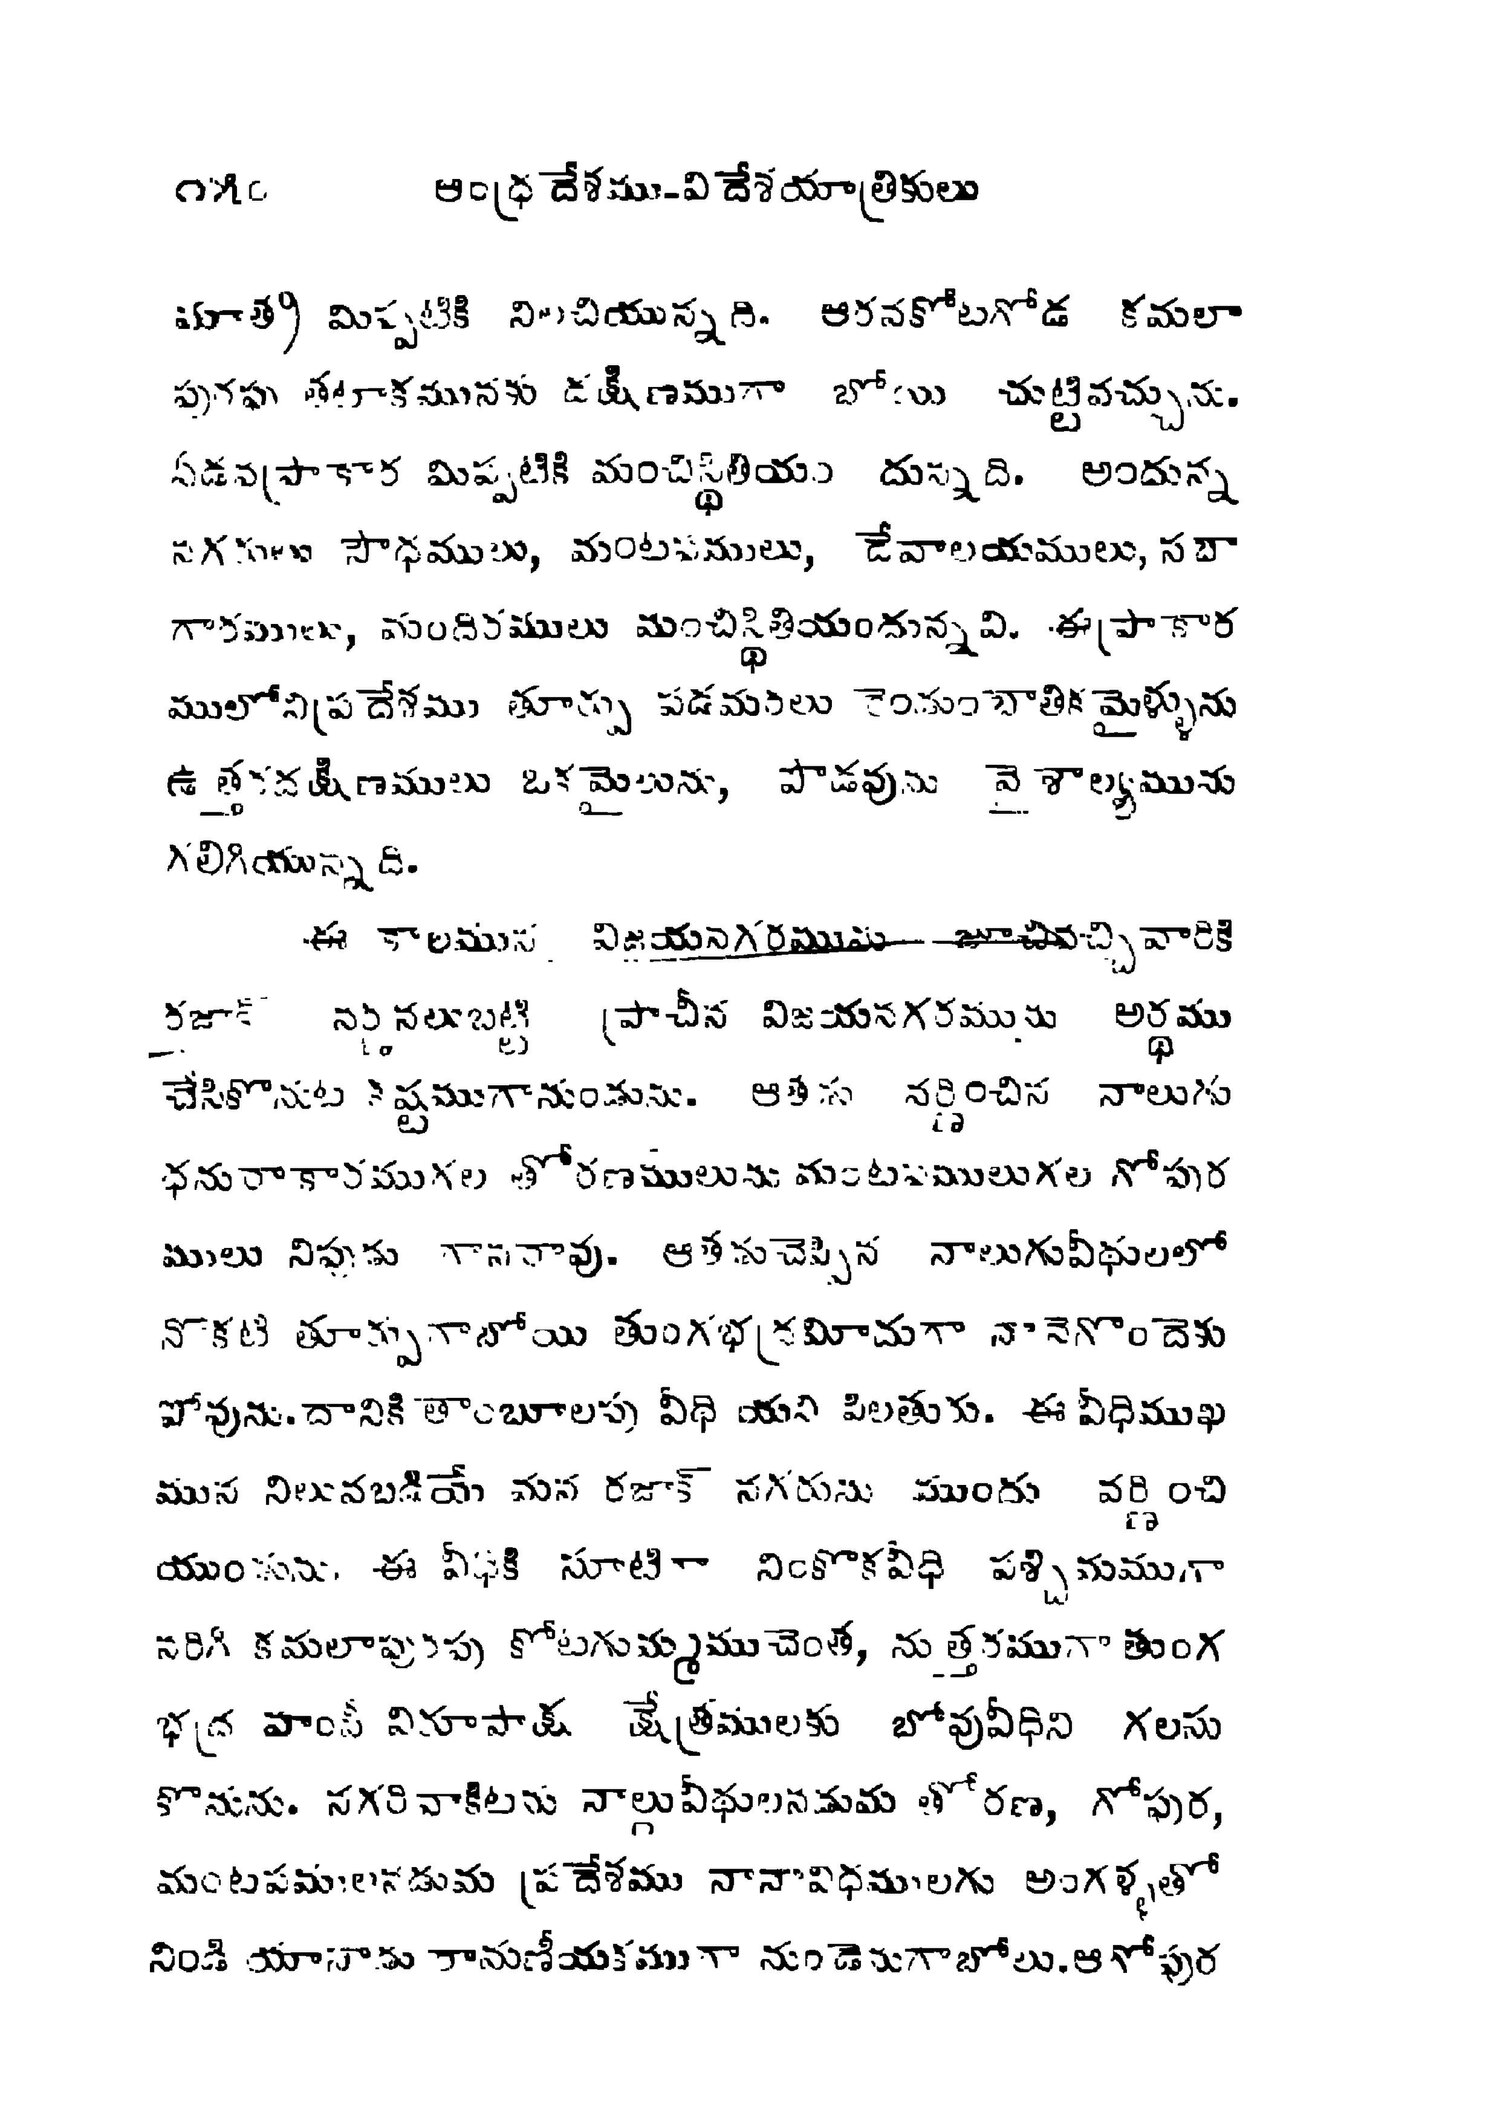మాత్ర మిప్పటికి నిలచియున్నది. ఆరవకోటగోడ కమలాపురపు తటాకమునకు దక్షిణముగా బోయి చుట్టివచ్చును. ఏడవప్రాకార మిప్పటికి మంచిస్థితియం దున్నది. అందున్న నగరులు సౌధములు, మంటపములు, దేవాలయములు, సభాగారములు, మందిరములు మంచి స్థితియందున్నవి. ఈప్రాకారములోని ప్రదేశము తూర్పు పడమరలు రెండుంబాతికమైళ్ళును ఉత్తరదక్షిణములు ఒకమైలును, పొడవును వైశాల్యమును గలిగియున్నది.

ఈ కాలమున విజయనగరమును జూచివచ్చిన వారికి రజాక్ వర్ణనలుబట్టి ప్రాచీన విజయనగరమును అర్థము చేసికొనుట కష్టముగానుండును. ఆతడు వర్ణించిన నాలుగు ధనురాకారముగల తోరణములును మంటపములుగల గోపురములు నిపుడు గానరావు. ఆతడు చెప్పిన నాలుగువీథులలో నొకటి తూర్పుగాబోయి తుంగభద్రమీదుగా నానెగొందెకు పోవును. దానికి తాంబూలపు వీథి యని పిలతురు. ఈవీధి ముఖమున నిలువబడియే మన రజాక్ నగరును ముందు వర్ణించి యుండును. ఈ వీధికి సూటిగా నింకొకవీధి పశ్చిమముగా నరిగి కమలాపురపు కోటగుమ్మముచెంత, నుత్తరముగా తుంగభద్ర హంపీ విరూపాక్ష క్షేత్రములకు బోవువీధిని గలసుకొనును. నగరివాకిటను నాల్గువీథులనడుమ తోరణ, గోపుర, మంటపములనడుమ ప్రదేశము నానావిధములగు అంగళ్ళతో నిండి యానాడు రమణీయకముగా నుండెనుగాబోలు. ఆగోపుర